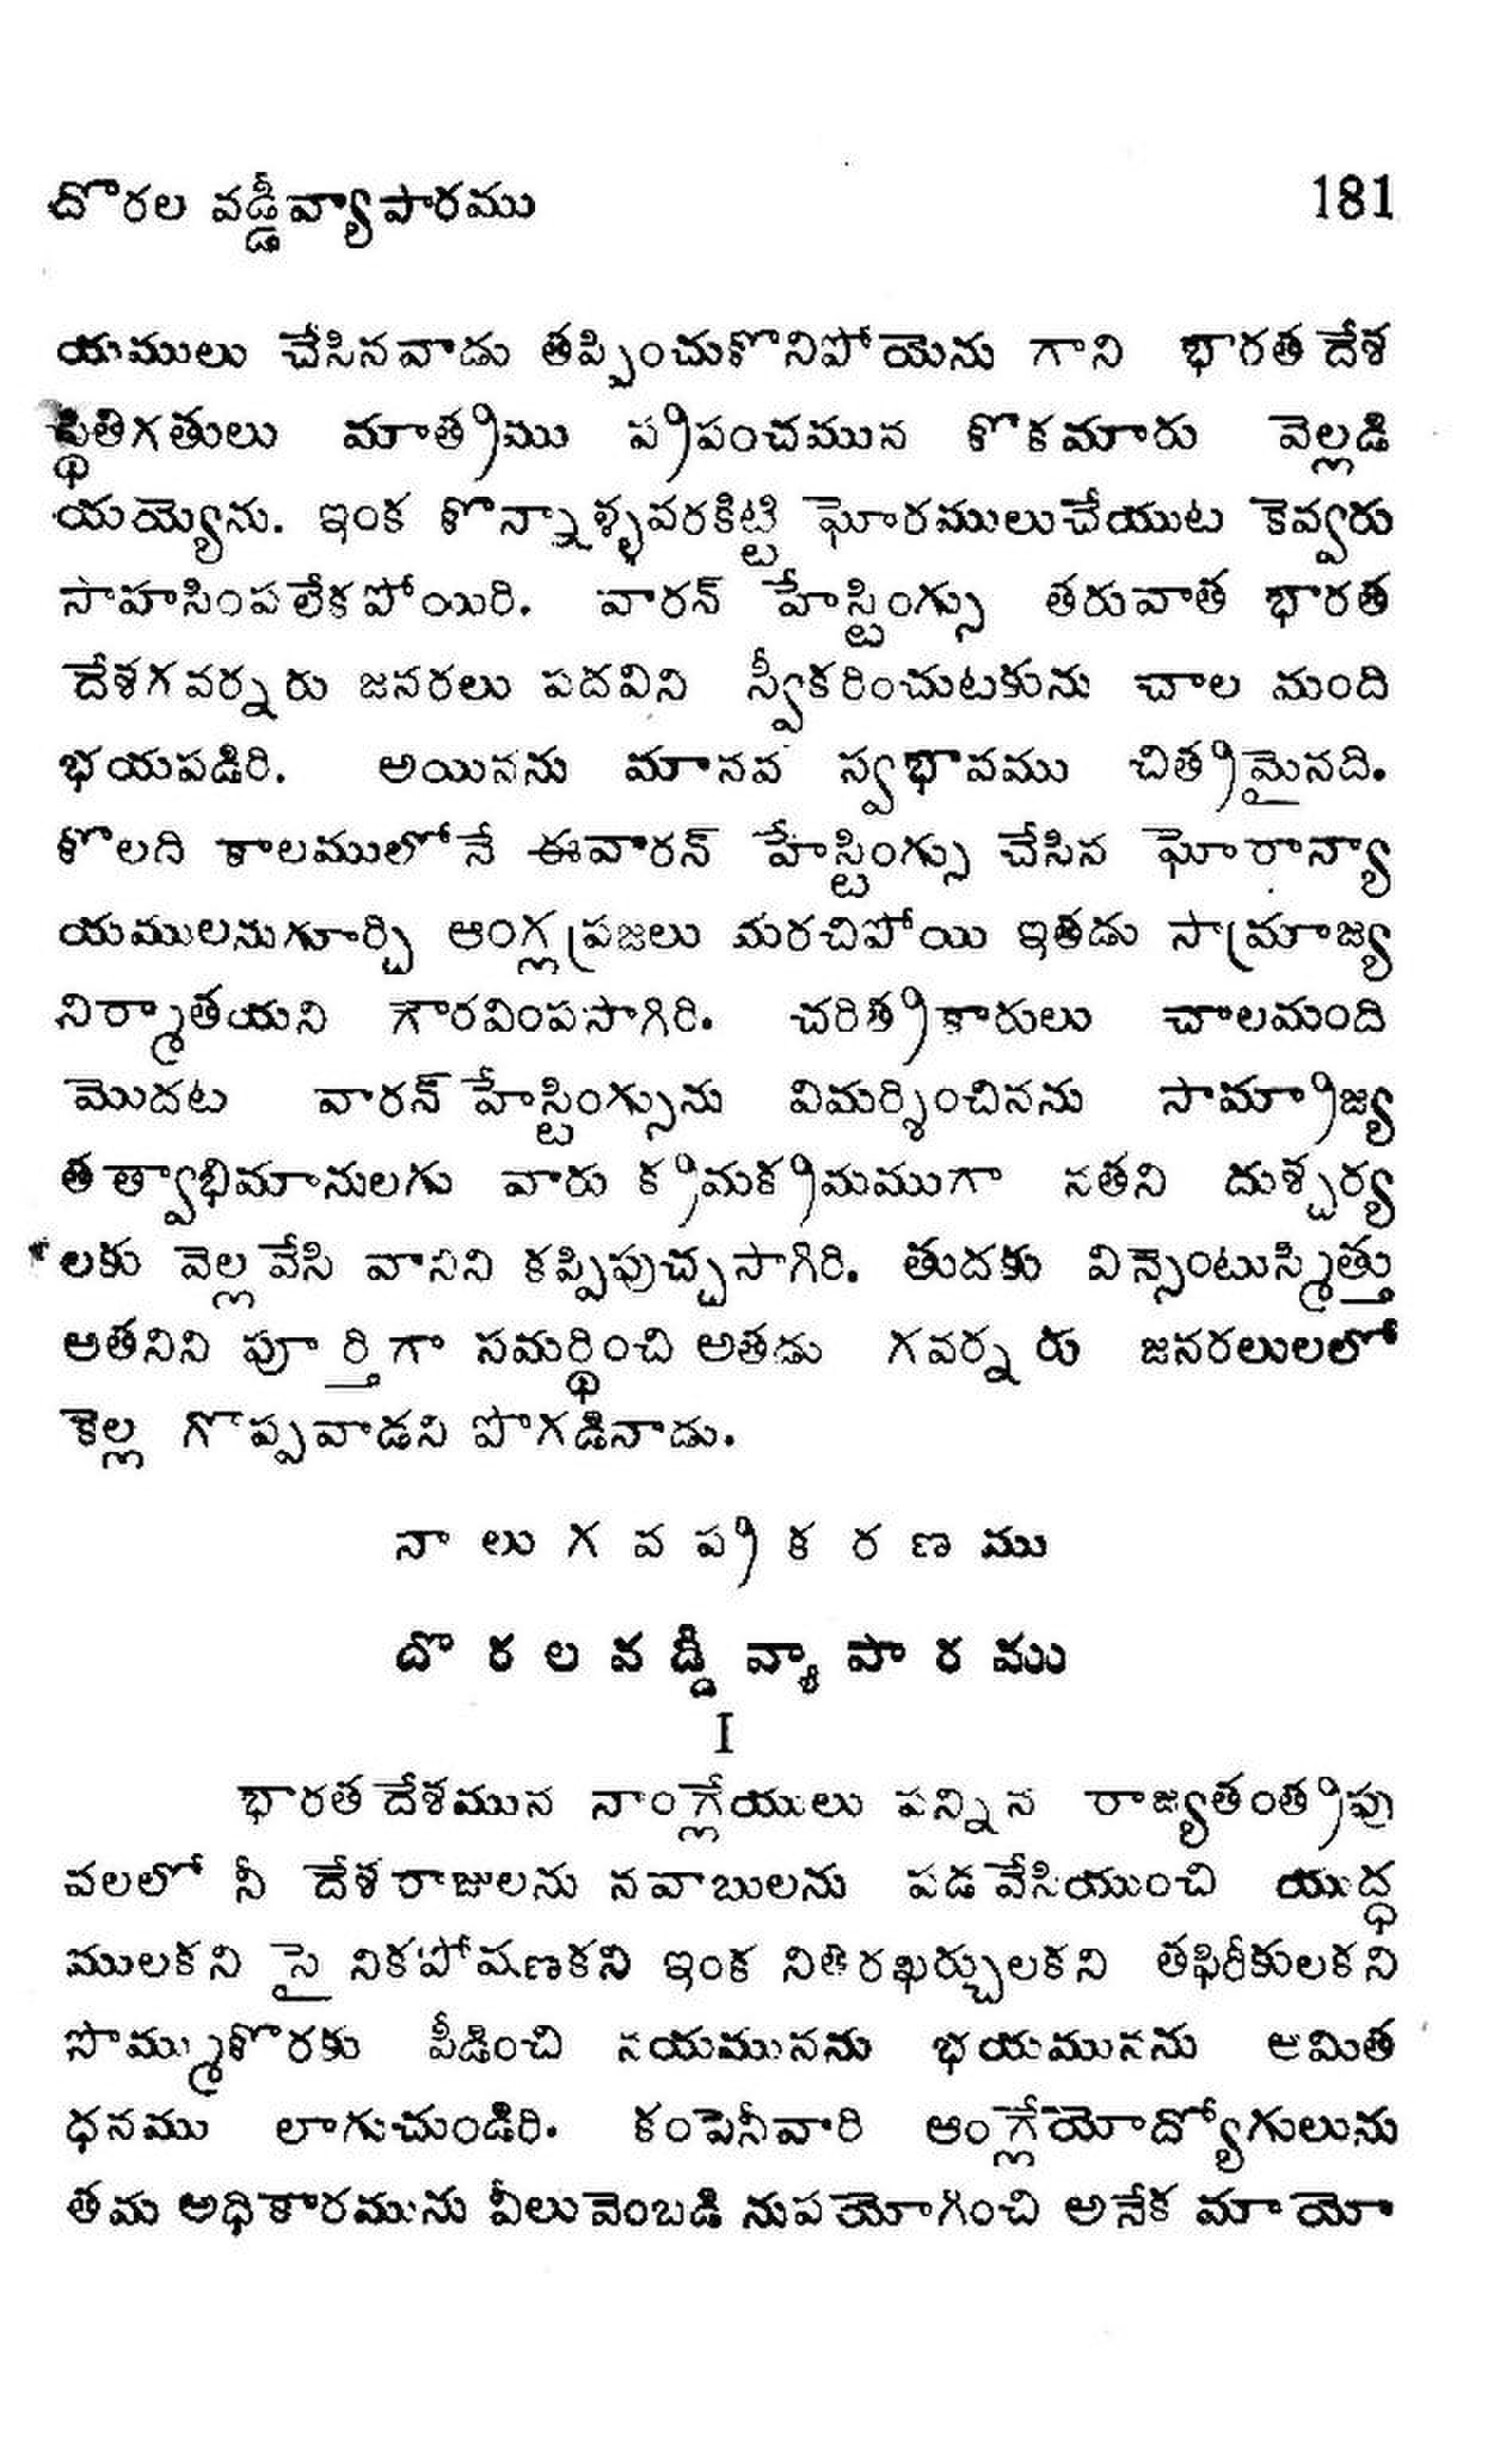యములు చేసినవాడు తప్పించుకొనిపోయెను గాని భారతదేశ స్థితిగతులు మాత్రము ప్రపంచమున కొకమారు వెల్లడి యయ్యెను. ఇంక కొన్నాళ్ళవరకిట్టి ఘోరములుచేయుట కెవ్వరు సాహసింపలేకపోయిరి. వారన్ హేస్టింగ్సు తరువాత భారతదేశగవర్నరు జనరలు పదవిని స్వీకరించుటకును చాల మంది భయపడిరి. అయినను మానవ స్వభావము చిత్రమైనది. కొలది కాలములోనే ఈవారన్ హేస్టింగ్సు చేసిన ఘోరాన్యాయములనుగూర్చి ఆంగ్లప్రజలు మరచిపోయి ఇతడు సామ్రాజ్య నిర్మాతయని గౌరవింపసాగిరి. చరిత్రకారులు చాలమంది మొదట వారన్ హేస్టింగ్సును విమర్శించినను సామ్రాజ్య తత్వాభిమానులగు వారు క్రమక్రమముగా నతని దుశ్చర్యలకు వెల్లవేసి వానిని కప్పిపుచ్చసాగిరి. తుదకు విన్సెంటుస్మిత్తు అతనిని పూర్తిగా సమర్థించి అతడు గవర్నరు జనరలులలో కెల్ల గొప్పవాడని పొగడినాడు.

నాలుగవ ప్రకరణము 
దొరల వడ్డీ వ్యాపారము
I

భారతదేశమున నాంగ్లేయులు పన్నిన రాజ్యతంత్రపు వలలో నీ దేశరాజులను నవాబులను పడవేసియుంచి యుద్దములకని సైనిక పోషణకని ఇంక నితిరఖర్చులకని తఫిరీకులకని సొమ్ముకొరకు పీడించి నయమునను భయమునను అమిత ధనము లాగుచుండిరి. కంపెనీవారి ఆంగ్లేయోద్యోగులును తమ అధికారమును వీలువెంబడి నుపయోగించి అనేక మాయో